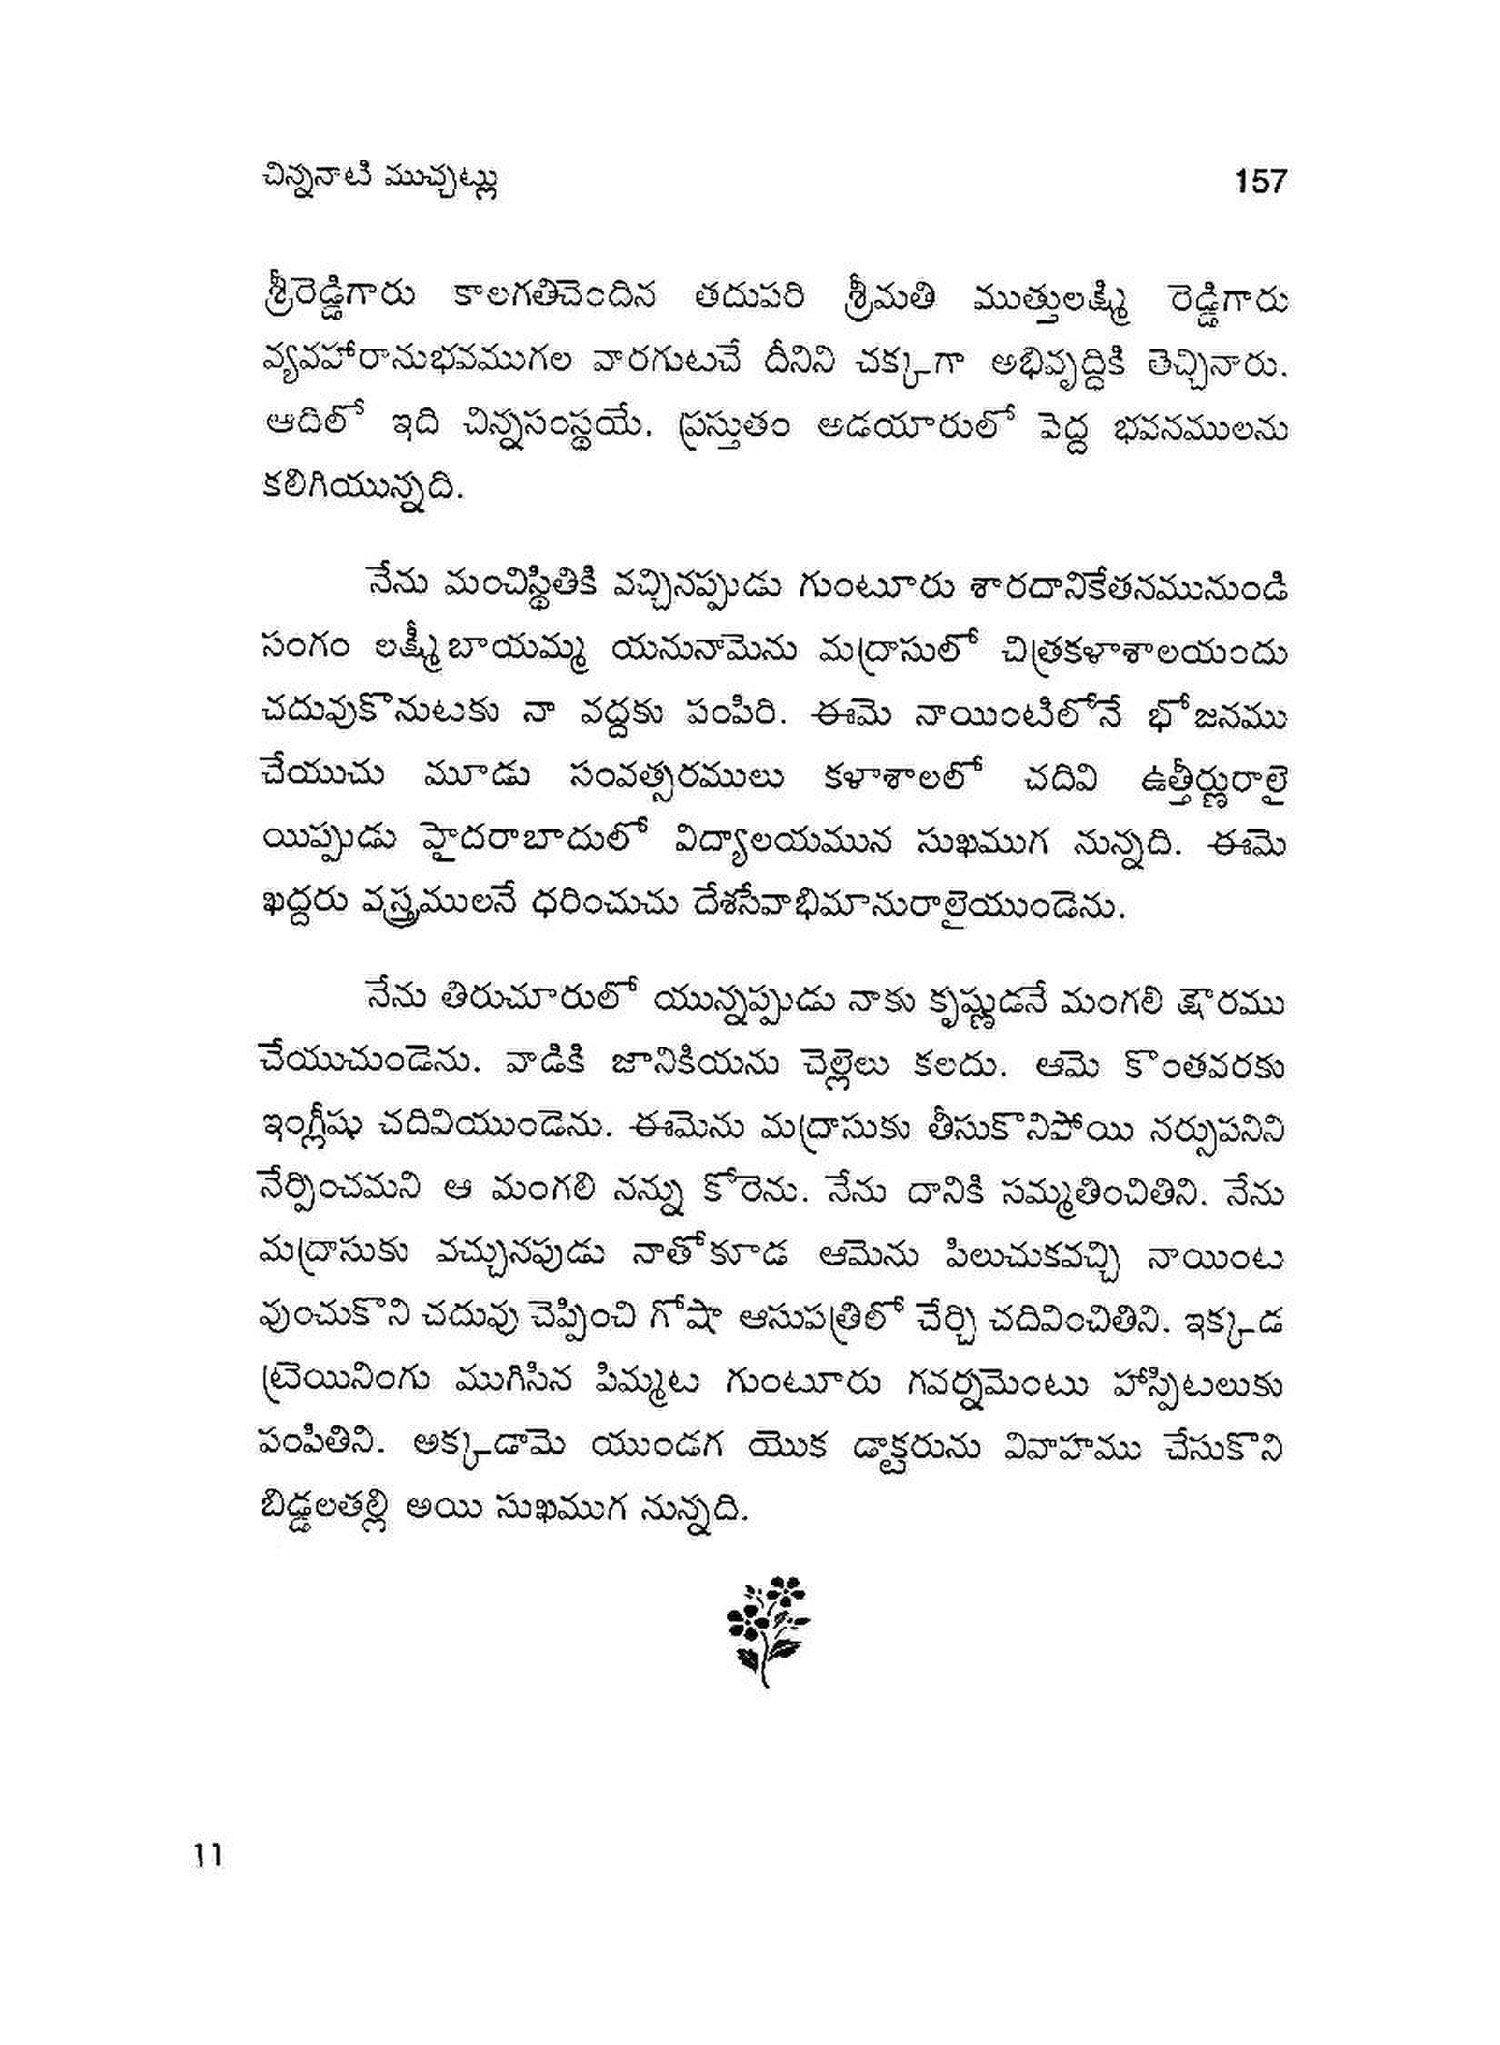శ్రీరెడ్డిగారు కాలగతిచెందిన తదుపరి శ్రీమతి ముత్తులక్ష్మీ రెడ్డిగారు వ్యవహారానుభవముగల వారగుటచే దీనిని చక్కగా అభివృద్ధికి తెచ్చినారు. ఆదిలో ఇది చిన్నసంస్థయే. ప్రస్తుతం అడయారులో పెద్ద భవనములను కలిగియున్నది.

నేను మంచిస్థితికి వచ్చినప్పడు గుంటూరు శారదానికేతనమునుండి సంగం లక్ష్మీబాయమ్మ యనునామెను మద్రాసులో చిత్రకళాశాలయందు చదువుకొనుటకు నా వద్దకు పంపిరి. ఈమె నాయింటిలోనే భోజనము చేయుచు మూడు సంవత్సరములు కళాశాలలో చదివి ఉత్తీర్ణురాలై యిప్పడు హైదరాబాదులో విద్యాలయమున సుఖముగ నున్నది. ఈమె ఖద్దరు వస్త్రములనే ధరించుచు దేశసేవాభిమానురాలైయుండెను.

నేను తిరుచూరులో యున్నప్పడు నాకు కృష్ణుడనే మంగలి క్షౌరము చేయుచుండెను. వాడికి జానికియను చెల్లెలు కలదు. ఆమె కొంతవరకు ఇంగ్లీషు చదివియుండెను. ఈమెను మద్రాసుకు తీసుకొనిపోయి నర్పుపని నేర్చించమని ఆ మంగలి నన్ను కోరెను. నేను దానికి సమ్మతించితిని. నేను మద్రాసుకు వచ్చునపుడు నాతో కూడ ఆమెను పిలుచుకవచ్చి నాయింట వుంచుకొని చదువు చెప్పించి గోషా ఆసుపత్రిలో చేర్చి చదివించితిని. ఇక్కడ ట్రైయినింగు ముగిసిన పిమ్మట గుంటూరు గవర్నమెంటు హాస్పిటలుకు పంపితిని. అక్కడామె యుండగ యొక డాక్టరును వివాహము చేసుకొని బిడ్డలతల్లి అయి సుఖముగ నున్నది.